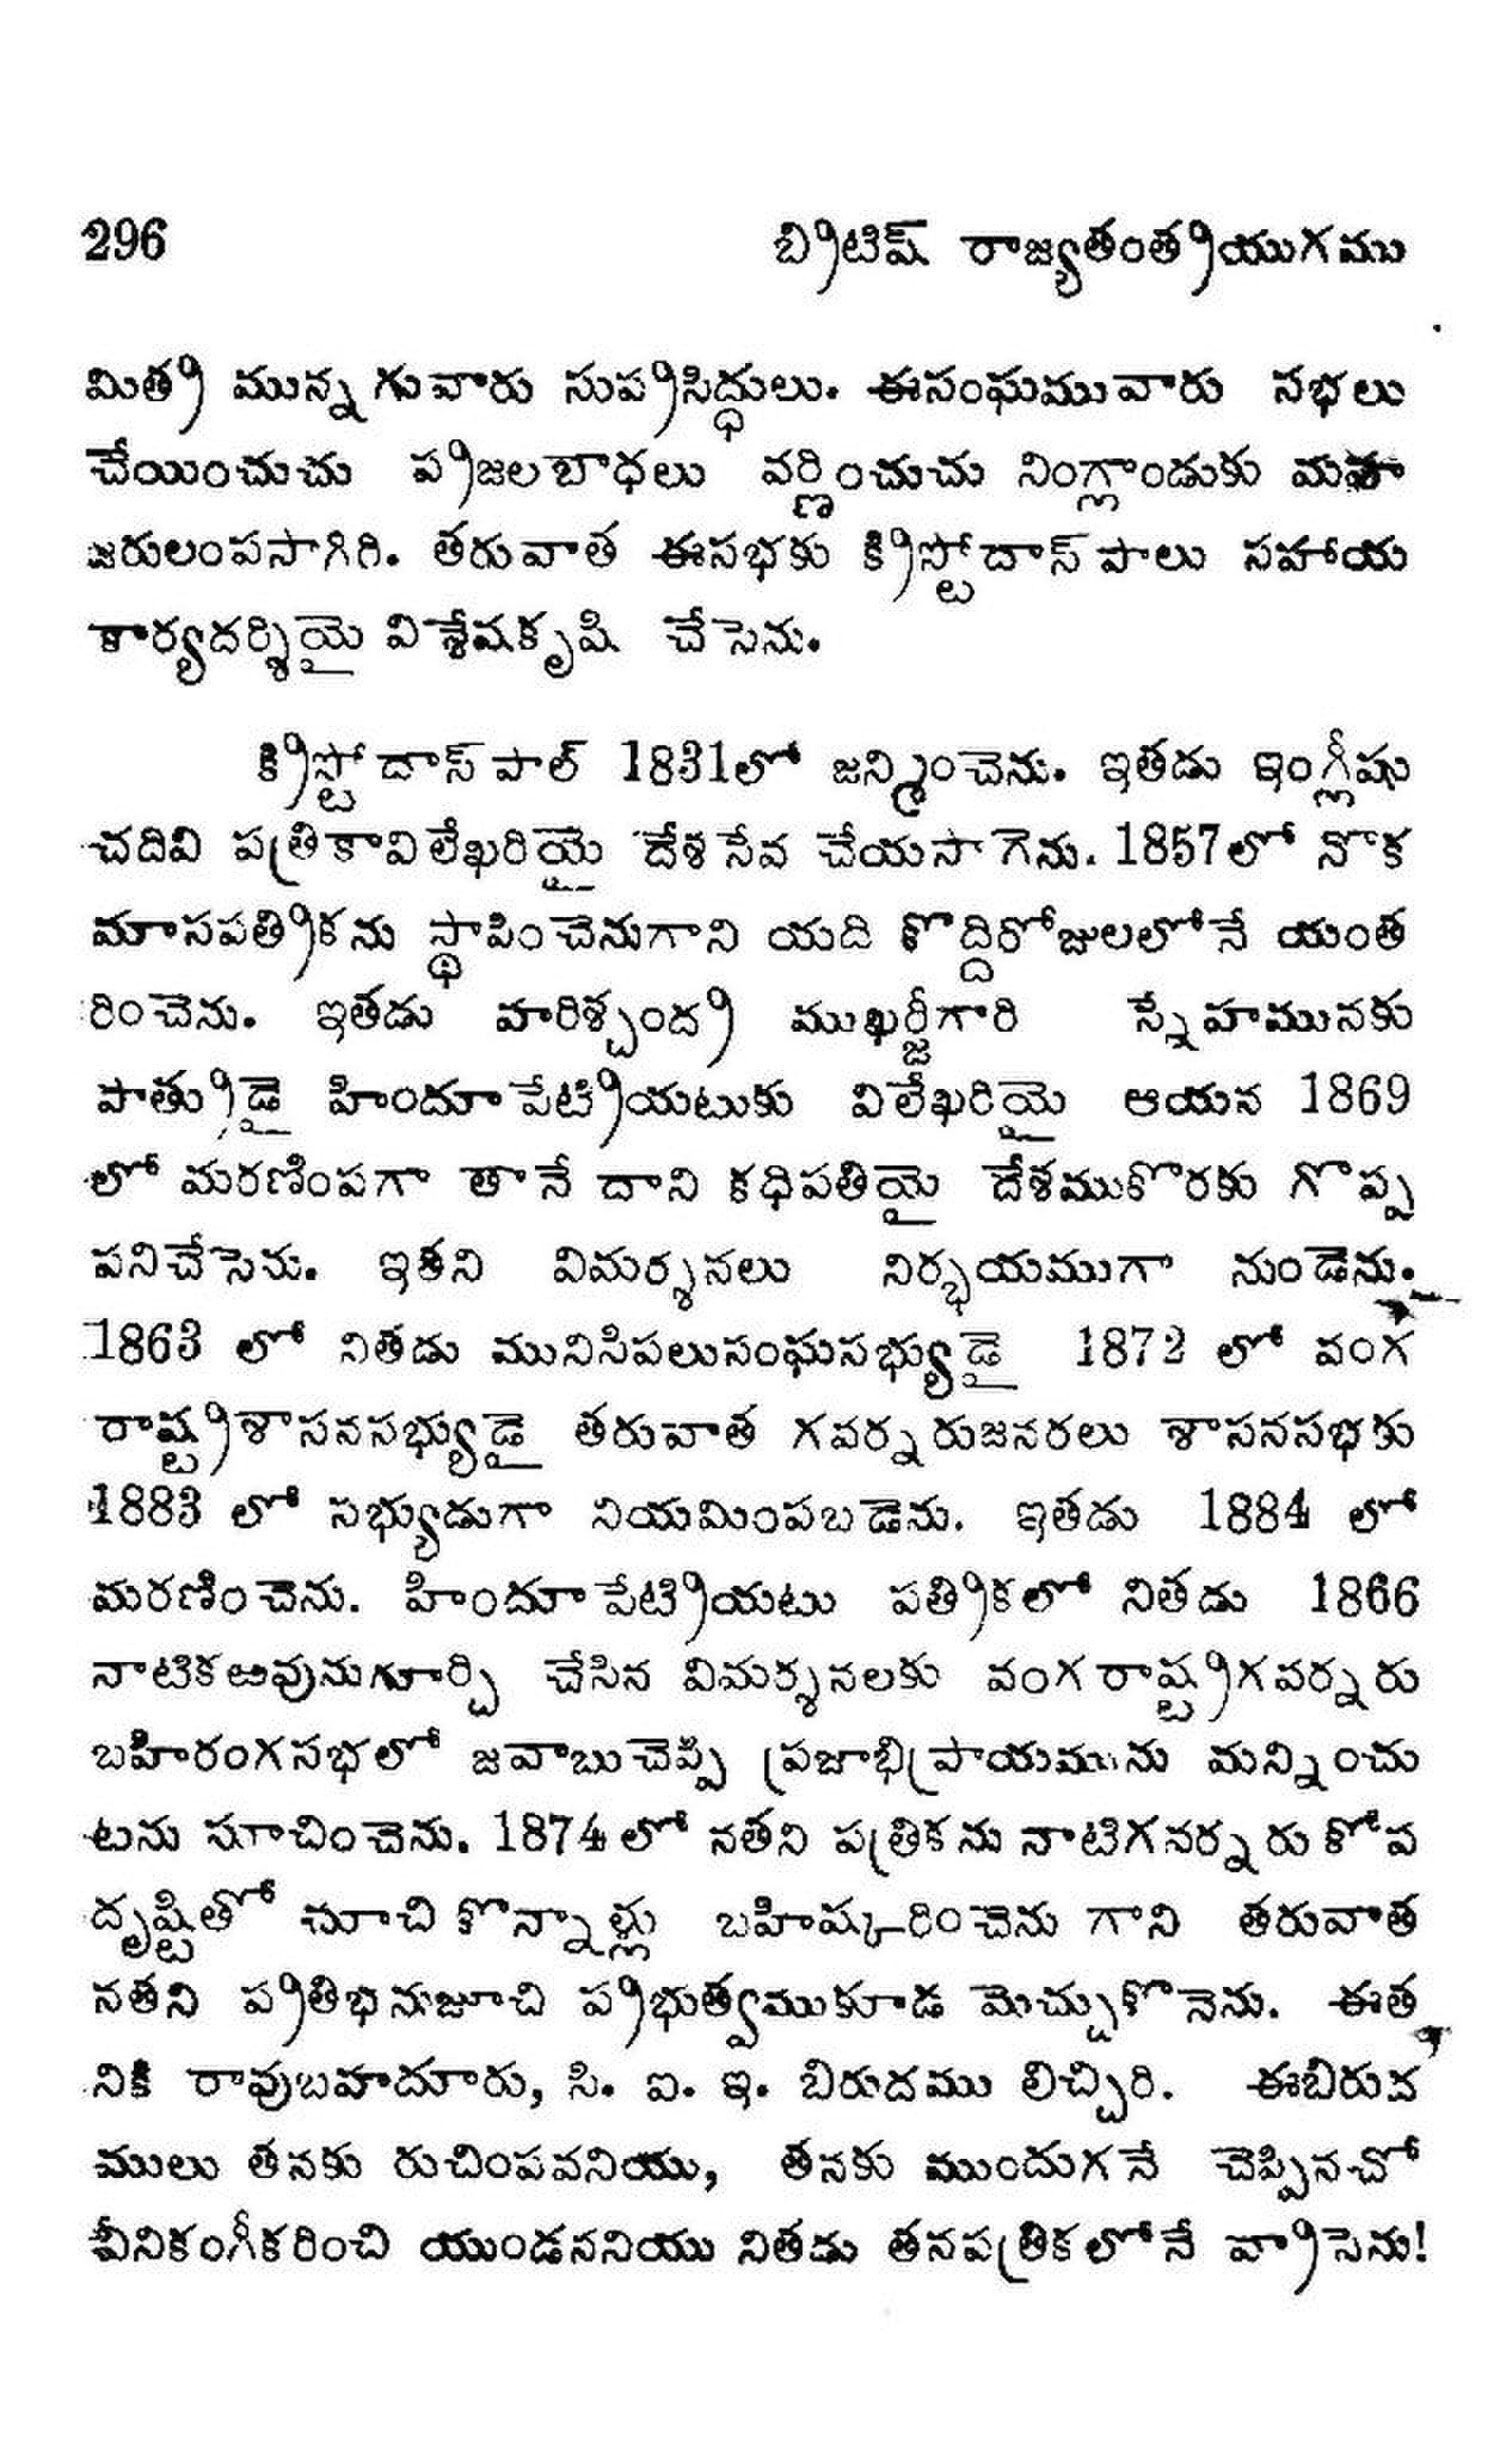మిత్ర మున్నగువారు సుప్రసిద్ధులు. ఈసంఘమువారు సభలు చేయించుచు ప్రజలబాధలు వర్ణించుచు నింగ్లాండుకు మహజరులంపసాగిరి. తరువాత ఈసభకు క్రిస్టోదాస్‌పాలు సహాయకార్యదర్శియై విశేషకృషి చేసెను.

క్రిస్టోదాస్‌పాల్ 1831లో జన్మించెను. ఇతడు ఇంగ్లీషు చదివి పత్రికావిలేఖరియై దేశసేవ చేయసాగెను. 1857లో నొక మాసపత్రికను స్థాపించెనుగాని యది కొద్దిరోజులలోనే యంతరించెను. ఇతడు హరిశ్చంద ముఖర్జీగారి స్నేహమునకు పాత్రుడై హిందూ పేట్రియటుకు విలేఖరియై ఆయన 1869 లో మరణింపగా తానే దాని కధిపతియై దేశముకొరకు గొప్ప పనిచేసెను. ఇతని విమర్శనలు నిర్భయముగా నుండెను. 1868 లో నితడు మునిసిపలుసంఘసభ్యుడై 1872 లో వంగరాష్ట్ర శాసనసభ్యుడై తరువాత గవర్నరుజనరలు శాసనసభకు 1883 లో సభ్యుడుగా నియమింపబడెను. ఇతడు 1884 లో మరణించెను. హిందూపేట్రియటు పత్రికలో నితడు 1866 నాటికఱువును గూర్చి చేసిన విమర్శనలకు వంగరాష్ట్రగవర్నరు బహిరంగసభలో జవాబు చెప్పి ప్రజాభిప్రాయమును మన్నించుటను సూచించెను. 1874 లో నతని పత్రికను నాటిగవర్నరు కోపదృష్టితో చూచి కొన్నాళ్లు బహిష్కరించెను గాని తరువాత నతని ప్రతిభనుజూచి ప్రభుత్వముకూడ మెచ్చుకొనెను. ఈతనికి రావుబహదూరు, సి. ఐ. ఇ. బిరుదము లిచ్చిరి. ఈబిరుదములు తనకు రుచింపవనియు, తనకు ముందుగనే చెప్పినచో వీనికంగీకరించి యుండననియు నితడు తనపత్రికలోనే వ్రాసెను!